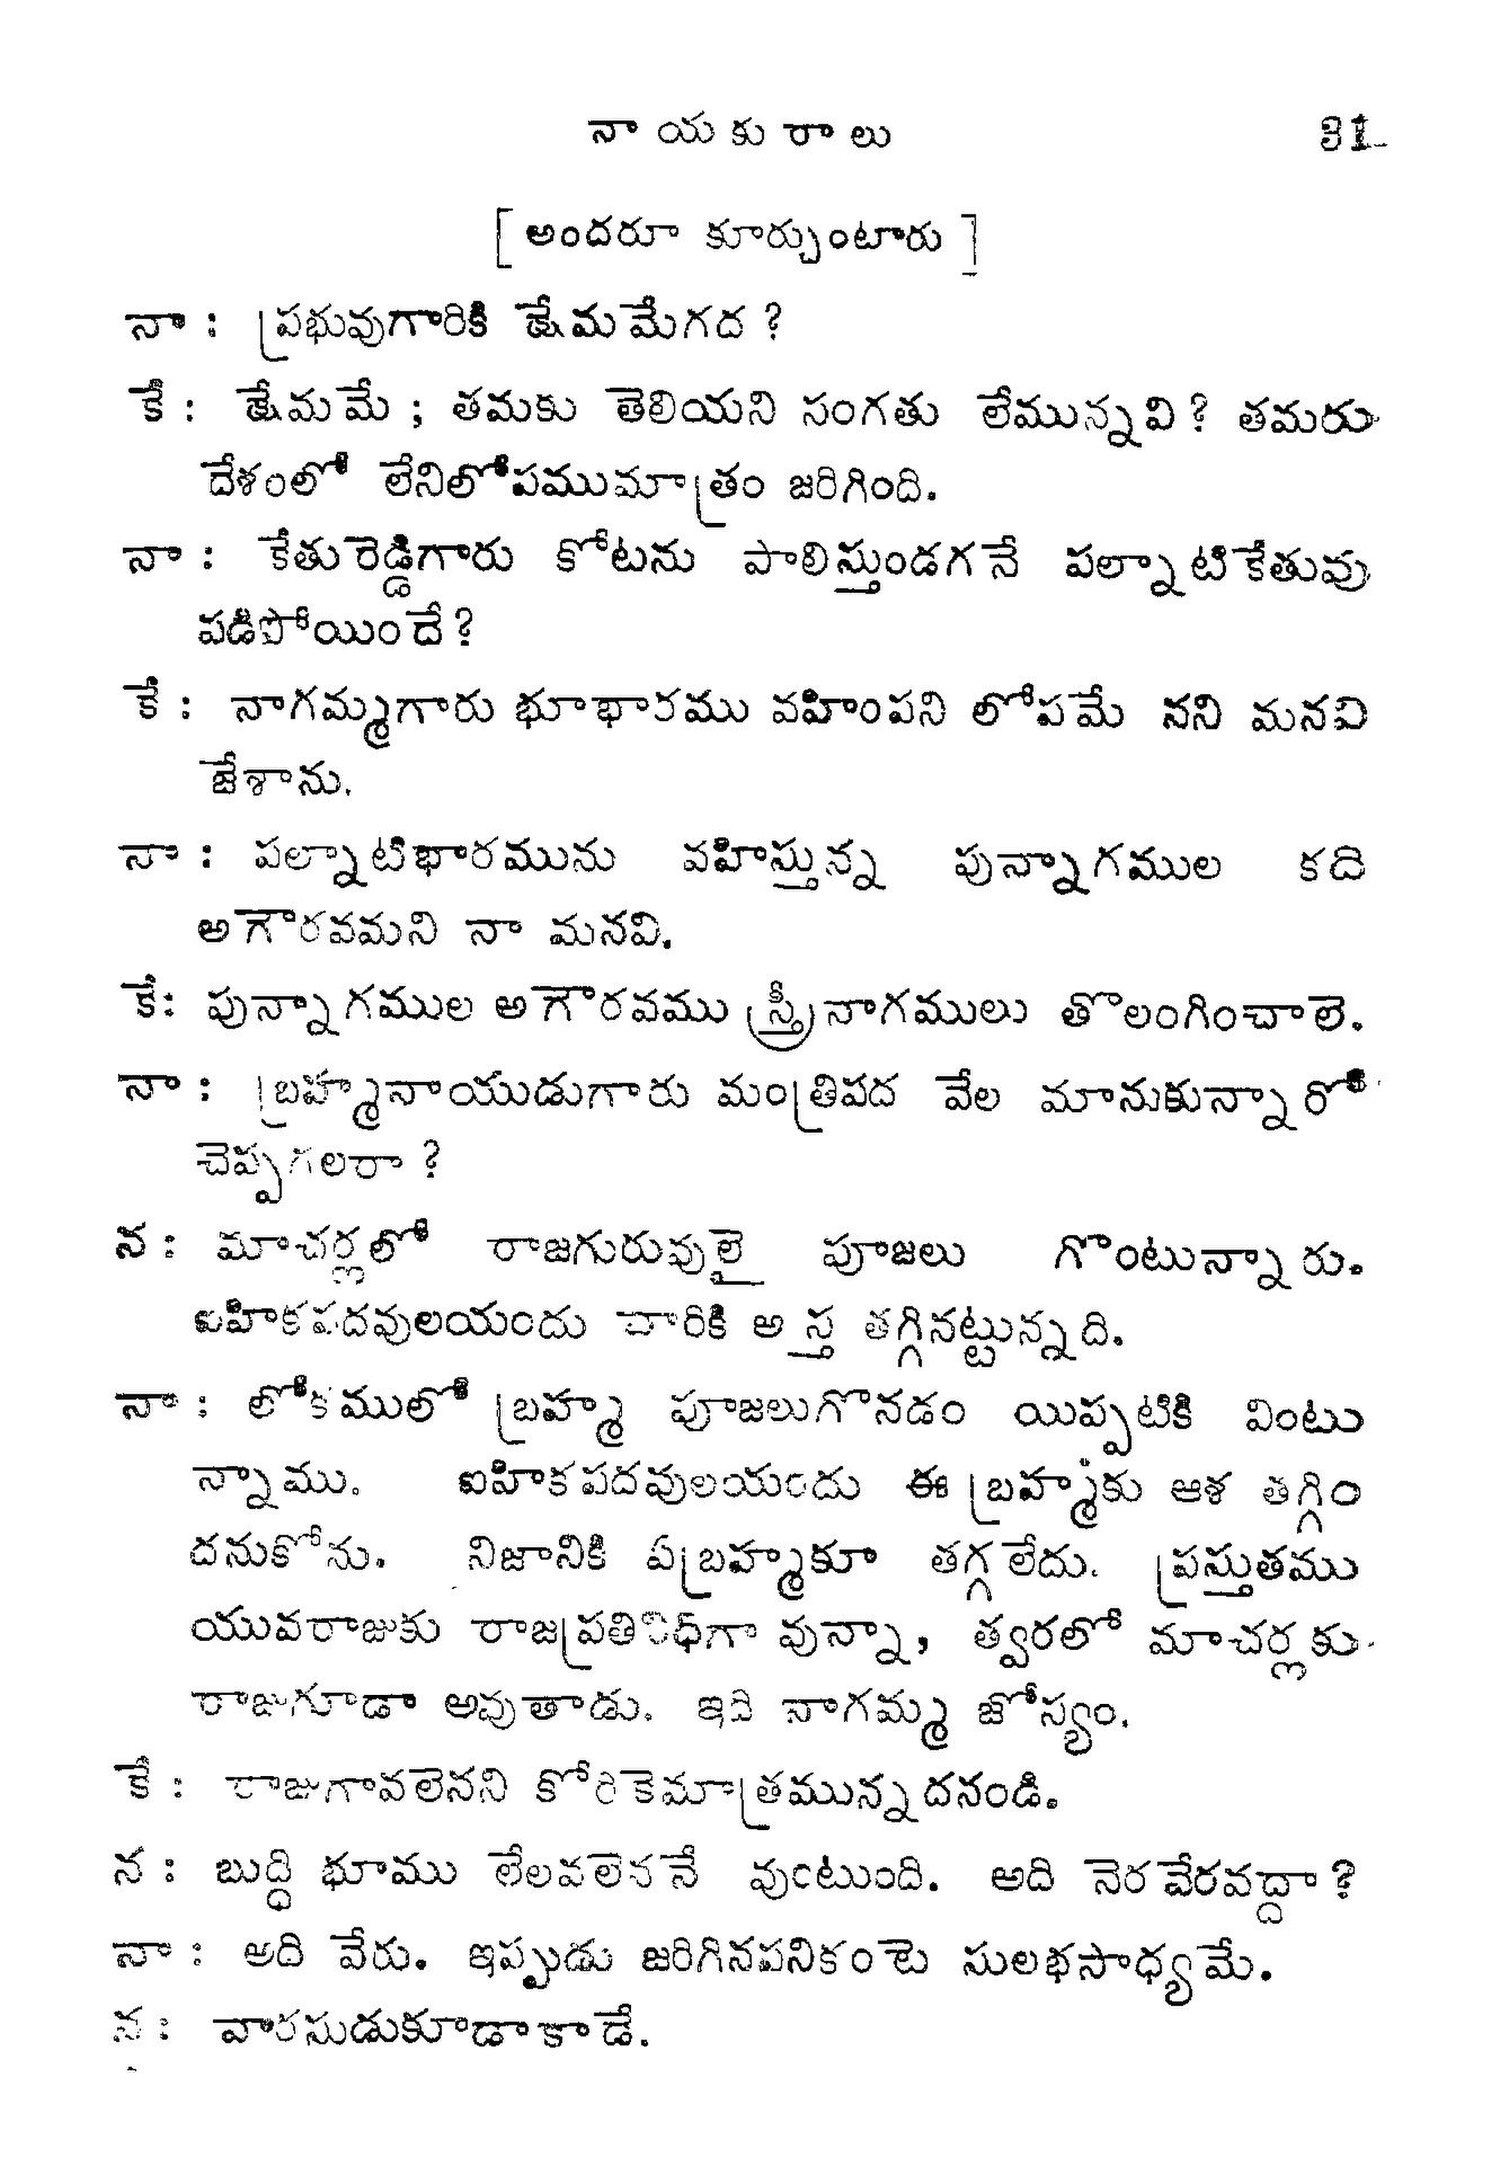నా : ప్రభువుగారికి క్షేమమేగద ?

కే: జేమమే ; తమకు తెలియని సంగతు లేమున్నవి ? తమరు దేశంలో లేనిలోపముమాత్రం జరిగింది.

నా: కేతురెడ్డిగారు కోటను పాలిస్తుండగనే పల్నాటికేతువు పడిపోయిందే?

కే: నాగమ్మగారు భూభారము వహింపని లోపమే నని మనవి జేశాను.

నా : పల్నాటిభారమును వహిస్తున్న పున్నాగముల కది అగౌరవమని నా మనవి.

కే: పున్నాగముల అగౌరవము స్త్రీనాగములు తొలంగించాలె.

నా: బ్రహ్మనాయుడుగారు మంత్రిపద వేల మానుకున్నారో చెప్పగలరా?

న: మాచర్లలో రాజగురువులై పూజలు గొంటున్నారు. ఐహికపదవులయందు వారికి అస్త తగ్గినట్టున్నది.

నా : లోకములో బ్రహ్మ పూజలుగొనడం యిప్పటికి వింటున్నాము. ఐహికపదవులయందు ఈ బ్రహ్మకు ఆశ తగ్గిందనుకోను. నిజానికి ఏబ్రహ్మకూ తగ్గలేదు. ప్రస్తుతము యువరాజుకు రాజప్రతిధిగా వున్నా, త్వరలో మాచర్లకు రాజుగూడా అవుతాడు. ఇవి నాగమ్మ జోస్యం.

కే: రాజుగావలెనని కోరికెమాత్రమున్నదనండి.

న: బుద్ధి భూము లేలవలెననే వుంటుంది. అది నెరవేరవద్దా?

నా: అది వేరు. ఇప్పుడు జరిగినపనికంటె సులభసాధ్యమే.

న: వారసుడుకూడా కాడే.